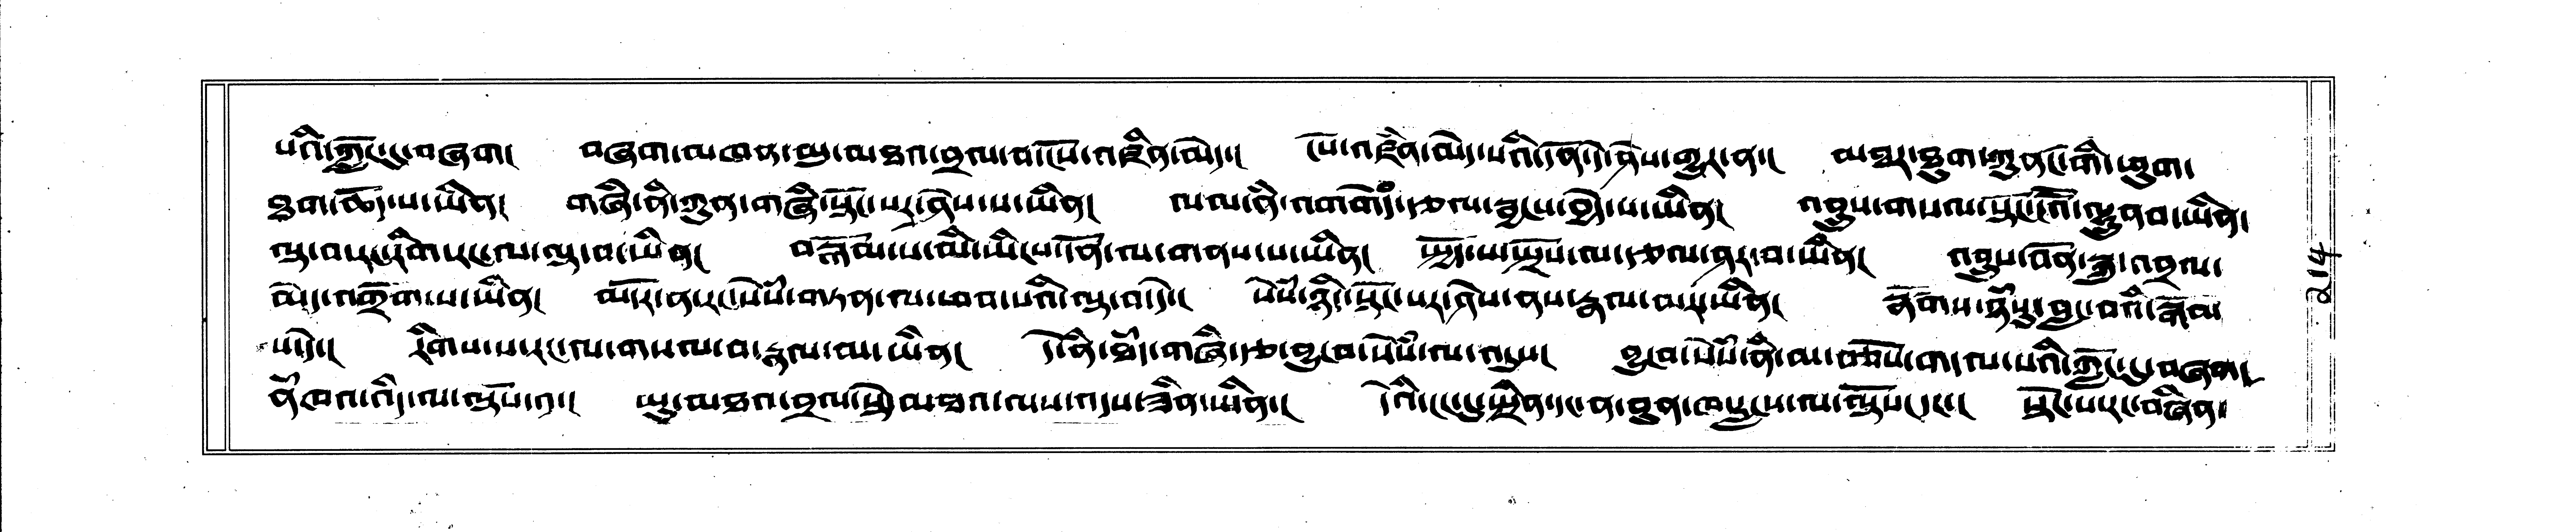པའི་ཀློང་དུ་བཞག བཞགས་མཁན་མུ་མཐའ་བྲལ་བས་ངོས་འཛིན་མེད། ངོས་འཛིན་མེད་པའི་དོན་དེ་ཤེས་གྱུར་ན། མཐར་ཐུགས་ཀུན་བཟང་གི་ཕུ་
ཐག་ཆོད་པ་ཡིན། གཞི་ནི་ཀུན་ཁྱབ་སྟོང་པར་ཤེས་པར་བྱ། ལམ་ནི་འགགས་མེད་རྩལ་སྦྱངས་བྱེད་པ་ཡིན། འབྲས་བུ་ངོའོ་གསལ་སྟོང་ལྷུན་གྲུབ་ཡིན། 
ལྟ་བ་རང་རིག་རང་ལ་ལྟ་བ་ཡིན། སྒོམ་པ་མི་ཡེང་དོན་ལ་གནས་པ་ཡིན། སྤྱོད་པ་སྤྲོས་བྲལ་རྩལ་དུ་ཤར་བ་ཡིན། འབྲས་བུ་བོན་སྐུ་འབྲལ་
མེད་འགྲོགས་པ་ཡིན། མདོར་ན་རང་སེམས་གཏན་ལ་ཕེབ་པའི་ལྟ་བ་དེ། སེམས་ཉིད་སྟོང་པར་ཤེས་པ་རྣལ་མ་ཡིན། སྣ་ཚོགས་ཉམས་སུ་མྱོང་པའི་སྒོམ་
པ་དེ། རིག་པ་རང་ལ་གསལ་ན་རྣལ་མ་ཡིན། ཐམས་ཅད་རང་སར་གྲོལ་པའི་སྤྱོད་པ་དེ། སྣང་ཡུལ་སྟོང་པར་ཤེས་ན་རྣལ་མ་ཡིན། རང་བཞིན་མེད་དེ་མཐར་ནི་འབྲས་བུ་དེ། གཞི་རྩ་བྲལ་མངོན་དུ་གྱུར་ན་རྣལ་མ་ཡིན། དེ་ནས་གཞི་རྩ་ཐམས་ཅད་བྱང་ཆུབ་སེམས་སུ་འདུས། བྱང་ཆུབ་སེམས་ནི་མ་བཅོས་བདལ་བའི་ཀློང་ལ་ཞོག 
ནམ་མཁའ་འདི་ལ་ལྟོས་དང་། མུ་མཐའ་བྲལ་ཏེ་མཐའ་ལས་འདས་ཟིན་ཡིན། དེའི་ངང་དུ་སྤྲིན་དང་ན་བུན་ཁུ་རླངས་ལ་ལྟོས་དང་། སྟོང་པ་རང་བཞིན་